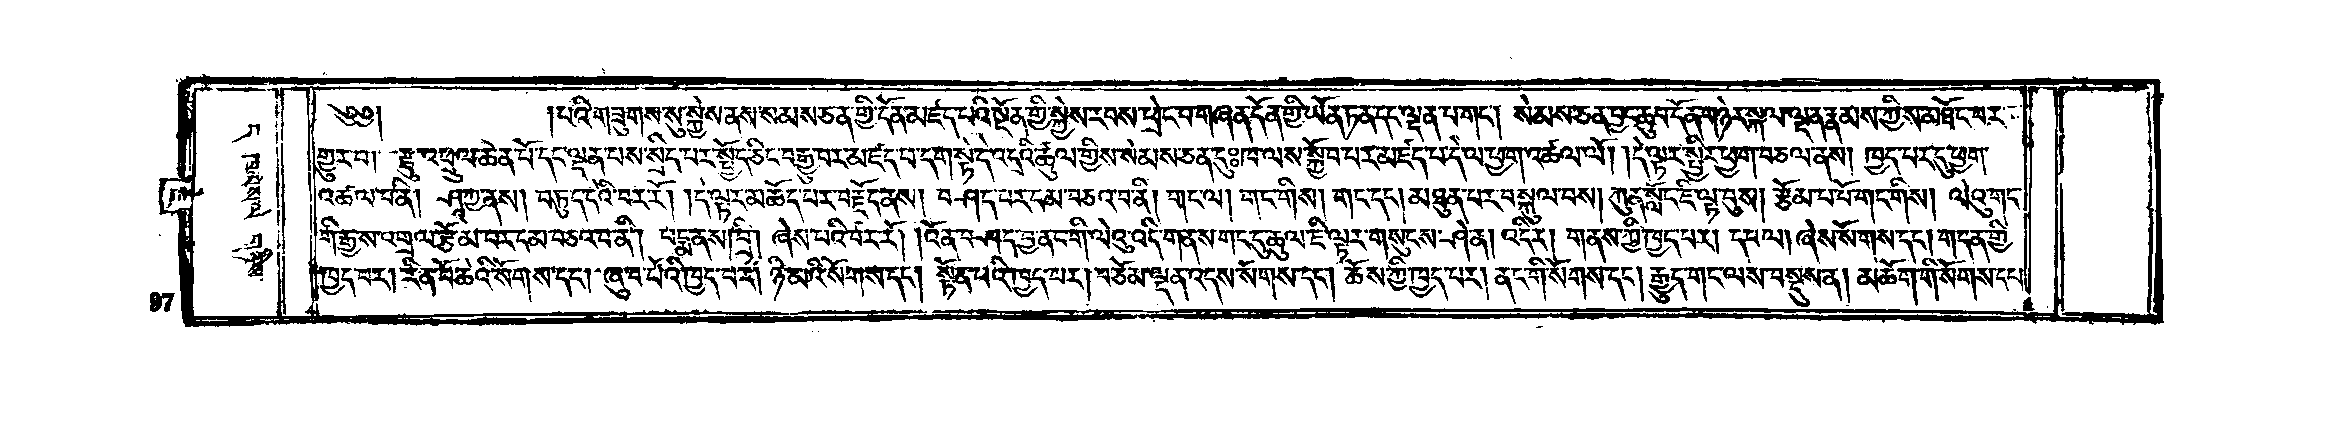༄༅། །པའི་གཟུགས་སུ་སྐྱེས་ནས་སེམས་ཅན་གྱི་དོན་མཛད་པའི་སྔོན་གྱི་སྐྱེས་རབས་ཕྲེང་བ་གཞན་དོན་གྱི་ཡོན་ཏན་དང་ལྡན་པ་གང་། སེམས་ཅན་བྱང་ཆུབ་དོན་གཉེར་སྐལ་ལྡན་རྣམས་ཀྱིས་མཐོང་བར་
གྱུར་བ། རྫུ་འཕྲུལ་ཆེན་པོ་དང་ལྡན་པས་སྲིད་པར་སྤྱོད་ཅིང་བརྒྱུ་བར་མཛད་པ་དག་སྟེ་དེ་འདྲའི་ཚུལ་གྱིས་སེམས་ཅན་དུཿ ཁ་ལས་སྐྱོབ་པར་མཛད་པ་དེ་ལ་ཕྱག་འཚལ་ལོ། །དེ་ལྟར་སྤྱིར་ཕྱག་བཙལ་?་ནས། ཁྱད་པར་དུ་ཕྱག་
འཚལ་བ་ནི། ཤཱཀྱ་ནས། བཏུ་ད་དེའི་བར་རོ། །དེ་ལྟར་མཆོད་པར་བརྗོད་ནས། བཤད་པར་དམ་བཅའ་བ་ནི། གང་ལ། གང་གིས། གང་དང་། མཐུན་པར་བསྐུལ་བས། ཀུན་སློང་ཇི་ལྟ་བུས། རྩོམ་པ་པོ་གང་གིས། ལེའུ་གང་
གི་རྒྱ་ས་འགྲལ་རྩོམ་པར་དམ་བཅའ་བ་ནི། པདམ་ནས་ཁྲི། ཞེས་པའི་བར་རོ། །འོན་བཤད་བྱ་ནང་གི་ལེའུ་འདི་གནས་གང་དུ་ཚུལ་ཇི་ལྟར་གསུངས་ཤེ་ན། འདིར། གནས་ཀྱི་ཁྱད་པར། དཔལ། ཞེས་སོགས་དང་། གདན་གྱི་
ཁྱད་པར། རིན་པོ་ཆེའི་སོགས་དང་། ཞུ་བ་པོའི་ཁྱད་པར། ཉི་མའི་སོགས་དང་། སྟོན་པའི་ཁྱད་པར། བཅོམ་ལྡན་འདས་སོགས་དང་། ཆོས་ཀྱི་ཁྱད་པར། ནང་གི་སོགས་དང་། རྒྱུད་གང་ལས་བསྡུས་ན། མཆོག་གི་སོགས་དང་